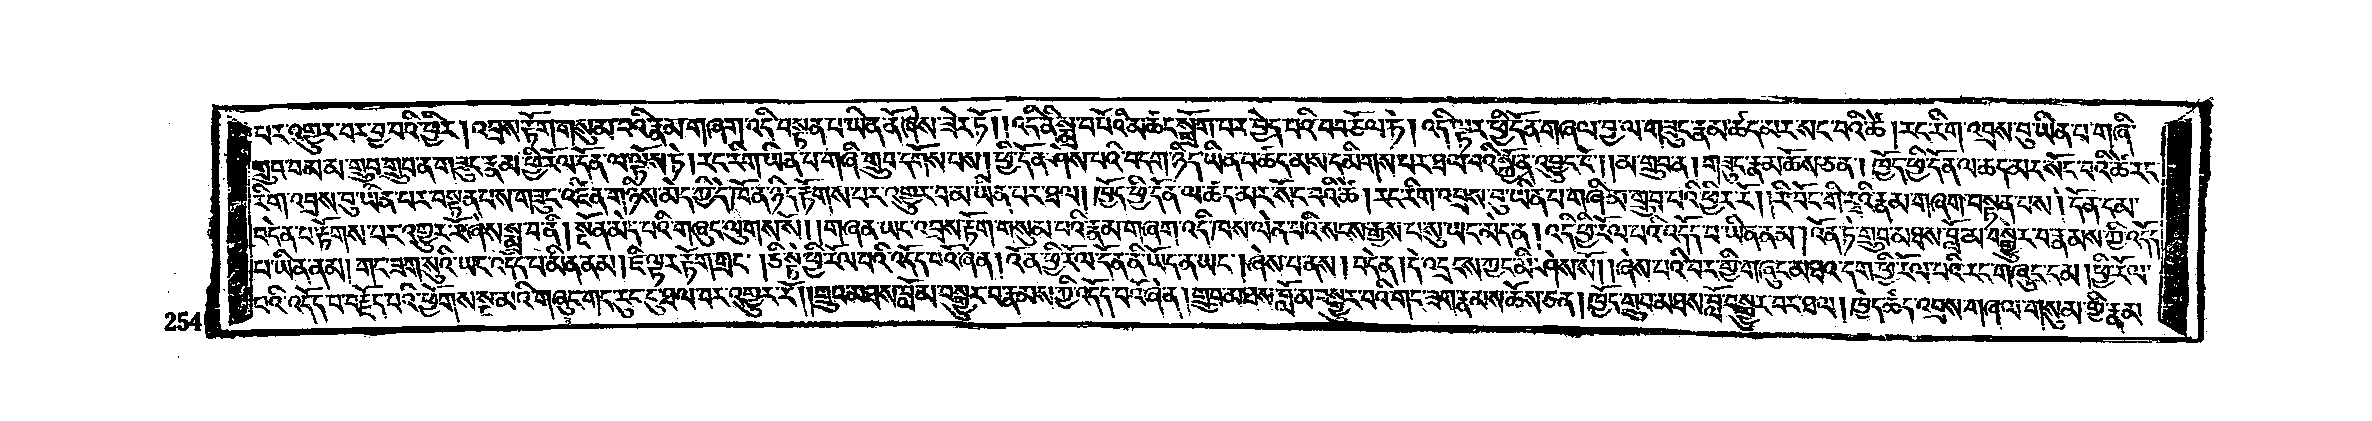པར་འགྱུར་བར་བྱ་བའི་ཕྱིར། འབྲས་རྟོག་གསུམ་པའི་རྣམ་གཞག་འདི་བསྟན་པ་ཡིན་ནོ་ཞེས་ཟེར་ཏོ། །འདི་ནི་སྨྲ་བ་པོའི་མཚང་སྒྲོག་པར་བྱེད་པའི་བབ་ཅོལ་ཏེ། འདི་ལྟར་ཕྱི་དོན་གཞལ་བྱ་ལ་གཟུང་རྣམ་ཚད་མར་སོང་བའི་ཚེ། རང་རིག་འབྲས་བུ་ཡིན་པ་གཞི་
གྲུབ་བམ་མ་གྲུབ་གྲུབ་ན་གཟུང་རྣམ་ཕྱི་རོལ་དོན་ལ་ལྟོས་ཏེ། རང་རིག་ཡིན་པ་གཞི་གྲུབ་དགོས་པས། ཕྱི་དོན་ཤེས་པའི་བདག་ཉིད་ཡིན་པ་ཚད་མས་དམིགས་པར་ཐལ་བའི་སྐྱོན་འབྱུང་ངོ། །མ་གྲུབ་ན། གཟུང་རྣམ་ཆོས་ཅན། ཁྱོད་ཕྱི་དོན་ལ་ཚད་མར་སོང་བའི་ཚེ་རང་
རིག་འབྲས་བུ་ཡིན་པར་བསྟན་པས་གཟུང་འཛིན་གཉིས་མེད་ཀྱི་དེ་ཁོ་ན་ཉིད་རྟོགས་པར་འགྱུར་བ་མ་ཡིན་པར་ཐལ། ཁྱོད་ཕྱི་དོན་ལ་ཚད་མར་སོང་བའི་ཚེ། རང་རིག་འབྲས་བུ་ཡིན་པ་གཞི་མ་གྲུབ་པའི་ཕྱིར་རོ། །རི་བོང་གི་རྭའི་རྣམ་གཞག་བསྟན་པས། དོན་དམ་
བདེན་པ་རྟོགས་པར་འགྱུར་རོ་ཞེས་སྨྲ་བ་ནི། སྔོན་མེད་པའི་གཞུང་ལུགས་སོ། །གཞན་ཡང་འབྲས་རྟོག་གསུམ་པའི་རྣམ་གཞག་འདི་ཁས་ལེན་པའི་སངས་རྒྱས་པ་སུ་ཡང་མེད་ན། འདི་ཕྱི་རོལ་པའི་འདོད་པ་ཡིན་ནམ། འོན་ཏེ་གྲུབ་མཐས་བློ་མ་བསྒྱུར་བ་རྣམས་ཀྱི་འདོད་
པ་ཡིན་ནམ། གང་ཟག་སུའི་ཡང་འདོད་པ་མིན་ནམ། ཇི་ལྟར་རྟོག་གྲང་།ཅི་སྟེ་ཕྱི་རོལ་པའི་འདོད་པའོ་ཞེ་ན། འོ་ན་ཕྱི་རོལ་དོན་ནི་ཡོད་ན་ཡང་། ཞེས་པ་ནས། བདེན། དེ་འདྲ་ངས་ཀྱང་མི་ཤེས་སོ། །ཞེས་པའི་བར་གྱི་གཞུང་མཐའ་དག་ཕྱི་རོལ་པའི་རང་གཞུང་ངམ་།ཕྱི་རོལ་
པའི་འདོད་པ་བརྗོད་པའི་ཕྱོགས་སྔ་མའི་གཞུང་གང་རུང་དུ་ཐལ་བར་འགྱུར་རོ། །གྲུབ་མཐས་བློ་མ་བསྒྱུར་བ་རྣམས་ཀྱི་འདོད་པའོ་ཞེ་ན། གྲུབ་མཐས་བློ་མ་བསྒྱུར་བའི་གང་ཟག་རྣམས་ཆོས་ཅན། ཁྱོད་གྲུབ་མཐས་བློ་བསྒྱུར་བར་ཐལ། ཁྱོད་ཚད་འབྲས་གཞལ་གསུམ་གྱི་རྣམ་